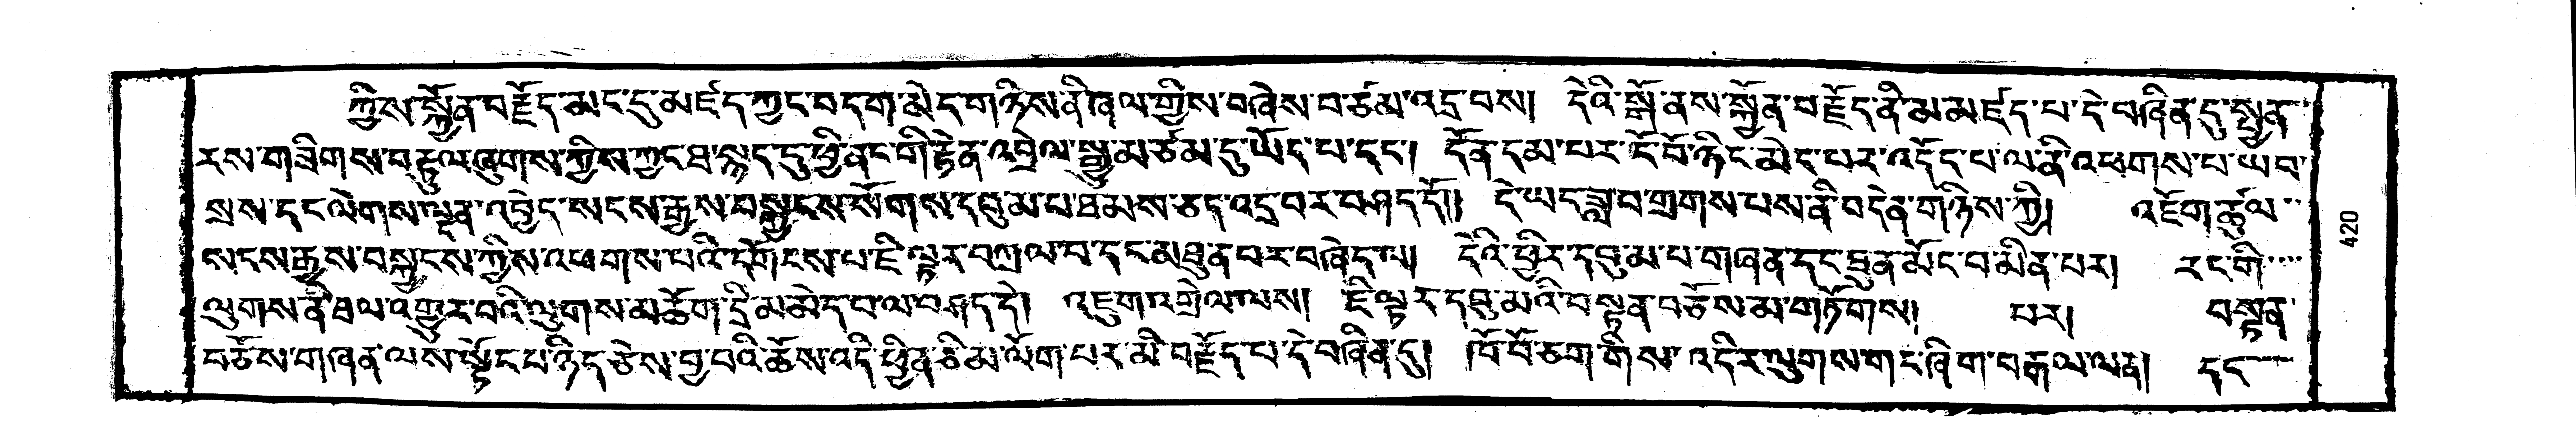ཀྱིས་སྐྱོན་བརྗོད་མང་དུ་མཛད་ཀྱང་བདག་མེད་གཉིས་ནི་ཞལ་གྱིས་བཞེས་པ་ཙམ་འདྲ་བས། དེའི་སྒོ་ནས་སྐྱོན་བརྗོད་ནི་མ་མཛད་པ་དེ་བཞིན་དུ་སྤྱན་
རས་གཟིགས་བརྟུལ་ཞུགས་ཀྱིས་ཀྱང་ཐ་སྙད་དུ་ཕྱི་ནང་གི་རྟེན་འབྲེལ་སྒྱུ་མ་ཙམ་དུ་ཡོད་པ་དང་། དོན་དམ་པར་ངོ་བོ་ཉིད་མེད་པར་འདོད་པ་ལ་ནི་འཕགས་པ་ཡབ་
སྲས་དང་ལེགས་ལྡན་འབྱེད་སངས་རྒྱས་བསྐྱངས་སོགསཅ་དབུ་མ་པ་ཐམས་ཅད་འདྲ་བར་བཤད་དོ། །དེ་ཡང་ཟླ་བ་གྲགས་པས་ནི་བདེན་གཉིས་ཀྱི། འཇོག་ཚུལ་
སངས་རྒྱས་བསྐྱངས་ཀྱིས་འཕགས་པའི་དགོངས་པ་ཇི་ལྟར་བཀྲལ་བ་དང་མཐུན་པར་བཞེད་ལ། དེའི་ཕྱིར་དབུ་མ་པ་གཞན་དང་ཐུན་མོང་བ་མིན་པར། རང་གི་
ལུགས་ནི་ཐལ་འགྱུར་བའི་ལུགས་མཆོག་དྲི་མ་མེད་པ་ལ་བཤད་དེ། འཇུག་འགྲེལ་ལས། ཇི་ལྟར་དབུ་མའི་བསྟན་བཅོས་མ་གཏོགས། པར། བསྟན་
བཅོས་གཞན་ལས་སྟོང་པ་ཉིད་ཅེས་བྱ་བའི་ཆོས་འདི་ཕྱིན་ཅི་མ་ལོག་པར་མི་བརྗོད་པ་དེ་བཞིན་དུ། ཁོ་བོ་ཅག་གིས་འདིར་ལུགས་གང་ཞིག་བརྒལ་ལན། དང་